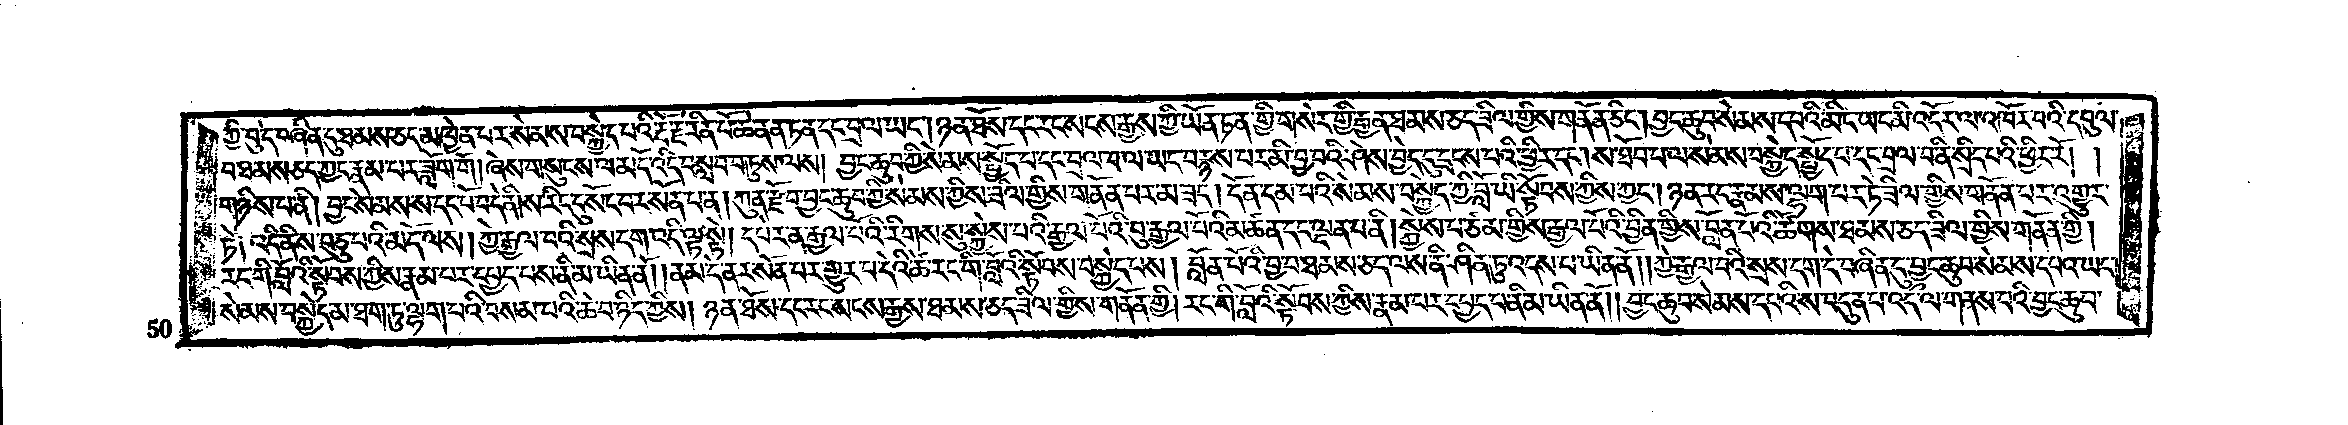ཀྱི་བུ་དེ་བཞིན་དུ་ཐམས་ཅད་མཁྱེན་པར་སེམས་བསྐྱེད་པའི་རྡོ་རྗེ་རིན་པོ་ཆེ་ནན་ཏན་དང་བྲལ་ཡང་། ཉན་ཐོས་དང་རང་སངས་རྒྱས་ཀྱི་ཡོན་ཏན་གྱི་གསེར་གྱི་རྒྱན་ཐམས་ཅད་ཟིལ་གྱིས་གནོན་ཅིང་། བྱང་ཆུབ་སེམས་དཔའི་མིང་ཡང་མི་འདོར་ལ་འཁོར་བའི་དབུལ་
བ་ཐམས་ཅད་ཀྱང་རྣམ་པར་ཟློག་གོ །ཞེས་གསུངས་ལ་མདོ་འདི་བསླབ་བཏུས་ལས། བྱང་ཆུབ་ཀྱི་སེམས་སྤྱོད་པ་དང་བྲལ་བ་ལ་ཡང་བརྙས་པར་མི་བྱ་བའི་ཤེས་བྱེད་དུ་དྲངས་པའི་ཕྱིར་དང་། ས་ཐོབ་པ་ལ་སེམས་བསྐྱེད་སྤྱོད་པ་དང་བྲལ་བ་ནི་དོན་སྤྱོད་སྲིད་པའི་ཕྱིར་རོ། །
གཉིས་པ་ནི། བྱང་སེམས་ས་དང་པོ་བ་དེ་ནི། ས་རིང་དུ་སོང་བར་སོན་པ་ན། ཀུན་རྫོབ་བྱང་ཆུབ་ཀྱི་སེམས་ཀྱིས་ཟིལ་གྱིས་གནོན་པར་མ་ཟད། དོན་དམ་པའི་སེམས་བསྐྱེད་ཀྱི་བློ་ཡི་སྟོབས་ཀྱིས་ཀྱང་། ཉན་རང་རྣམས་ལྷག་པར་ཏེ་ཟིལ་གྱིས་གནོན་པར་འགྱུར་
ཏེ། འདི་ནི་ས་བཅུ་པའི་མདོ་ལས། ཀྱེ་རྒྱལ་བའི་སྲས་དག་འདི་ལྟ་སྟེ། དཔེར་ན་རྒྱལ་པོའི་རིགས་སུ་སྐྱེས་པའི་རྒྱལ་པོའི་བུ་རྒྱལ་པོའི་མཚན་དང་ལྡན་པ་ནི། སྐྱེས་པ་ཙམ་གྱིས་རྒྱལ་པོའི་བྱིན་གྱིས་བློན་པོའི་ཚོགས་ཐམས་ཅད་ཟིལ་གྱིས་གནོན་གྱི།
རང་གི་བློའི་སྟོབས་ཀྱིས་རྣམ་པར་དཔྱད་པས་ནི་མ་ཡིན་ནོ། །ནམ་དེ་ནར་སོན་པར་གྱུར་པ་དེའི་ཚེ་རང་གི་བློའི་སྟོབས་བསྐྱེད་པས། བློན་པོའི་བྱ་བ་ཐམས་ཅད་ལས་ནི་ཤིན་ཏུ་འདས་པ་ཡིན་ནོ། །ཀྱེ་རྒྱལ་བའི་སྲས་དག་དེ་བཞིན་དུ་བྱང་ཆུབ་སེམས་དཔའ་ཡང་།
སེམས་བསྐྱེད་མ་ཐག་ཏུ་ལྷག་པའི་བསམ་པའི་ཆེ་བ་ཉིད་ཀྱིས། ཉན་ཐོས་དང་རང་སངས་རྒྱས་ཐམས་ཅད་ཟིལ་གྱིས་གནོན་གྱི། རང་གི་བློའི་སྟོབས་ཀྱིས་རྣམ་པར་དཔྱད་པ་ནི་མ་ཡིན་ནོ། །བྱང་ཆུབ་སེམས་དཔའི་ས་བདུན་པ་འདི་ལ་གནས་པའི་བྱང་ཆུབ་